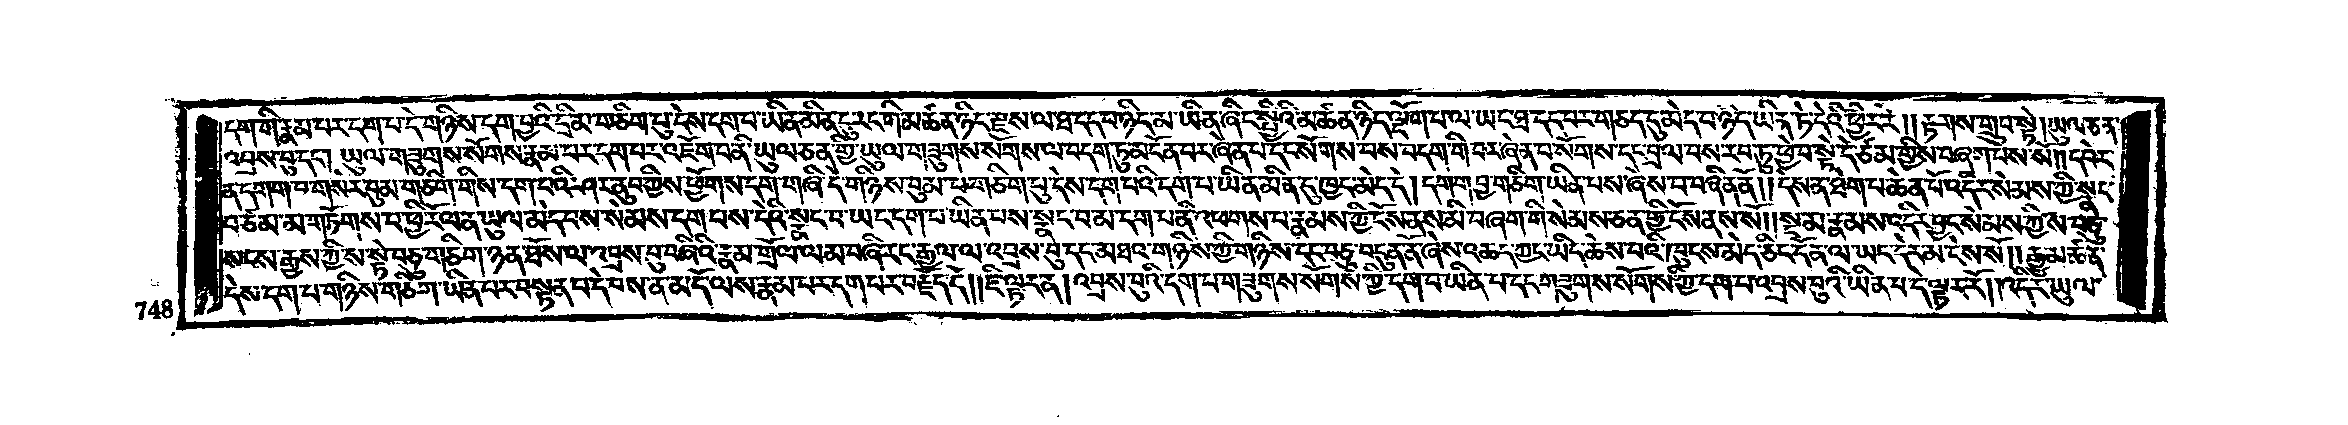དག་གི་རྣམ་པར་དག་པ་དེ་གཉིས་དག་བྱའི་དྲི་མ་གཅིག་པུ་དེས་དག་པ་ཡིན་མིན་དུ་རང་གི་མཚན་ཉིད་རྫས་ལ་ཐ་དད་པ་ཉིད་མ་ཡིན་ཞིང་སྤྱིའི་མཚན་ཉིད་ལྡོག་པ་ལ་ཡང་ཐ་དད་པར་གཅད་དུ་མེད་པ་ཉིད་ཡིན་ཏེ་དེའི་ཕྱིར་རོ། །རྟགས་གྲུབ་སྟེ། ཡུལ་ཅན་
འབྲས་བུ་དང་། ཡུལ་གཟུགས་སོགས་རྣམ་པར་དག་པར་འཇོག་པ་ནི་ཡུལ་ཅན་གྱི་ཡུལ་གཟུགས་སོགས་ལ་བདག་ཏུ་མངོན་པར་ཞེན་པ་དང་སོགས་པས་བདག་གི་བར་ཞེན་པ་སོགས་དང་བྲལ་བས་རབ་ཏུ་ཕྱེ་བ་སྟེ་དེ་ཙམ་གྱིས་བཞག་པས་སོ། །དཔེར་
ན་དགག་བྱ་གསེར་བུམ་གཅིག་གིས་དག་པའི་ཤར་ནུབ་ཀྱིས་ཕྱོགས་དག་གཞི་དེ་གཉིས་བུམ་པ་གཅིག་པུ་དེས་དག་པའི་དག་པ་ཡིན་མིན་དུ་ཁྱད་མེད་དེ། དགག་བྱ་གཅིག་ཡིན་པས་ཞེས་པ་བཞིན་ནོ། །དེས་ན་ཐེག་པ་ཆེན་པོ་འདིར་སེམས་ཀྱི་སྣང་
བ་ཙམ་མ་གཏོགས་པ་ཕྱི་རོལ་ན་ཡུལ་མེད་པས་སེམས་དག་པས་དེའི་སྣང་བ་ཡང་དག་པ་ཡིན་པས་སྣང་བ་མ་དག་པ་ནི་འཕགས་པ་རྣམས་ཀྱི་ངོས་ནས་མི་བཞག་གི་སེམས་ཅན་གྱི་ངོས་ནས་སོ། །སྔ་མ་རྣམས་འདིར་བྱང་སེམས་ཀྱི་ས་བཅུ་
སངས་རྒྱས་ཀྱི་ས་སྟེ་བཅུ་གཅིག་ཉན་ཐོས་ལ་འབྲས་བུ་བཞིའི་རྣམ་གྲོལ་ལམ་བཞི་རང་རྒྱལ་ལ་འབྲས་བུ་དང་མཐའ་གཉིས་ཀྱི་གཉིས་དང་བཅུ་བདུན་ནོ་ཞེས་འཆད་ཀྱང་ཡིད་ཆེས་པའི་ཁུངས་མེད་ཅིང་དོན་ལ་ཡང་དེར་མ་ངེས་སོ། །རྒྱུ་མཚན་
དེས་དག་པ་གཉིས་གཅིག་ཡིན་པར་བསྟན་པ་དེ་བས་ན་མདོ་ལས་རྣམ་པར་དག་པར་བརྗོད་དོ། །ཇི་ལྟར་ན། འབྲས་བུའི་དག་པ་གཟུགས་སོགས་ཀྱི་དག་པ་ཡིན་པ་དང་གཟུགས་སོགས་ཀྱི་དག་པ་འབྲས་བུའི་ཡིན་པ་དེ་ལྟར་རོ། །འདིར་ཡུལ་